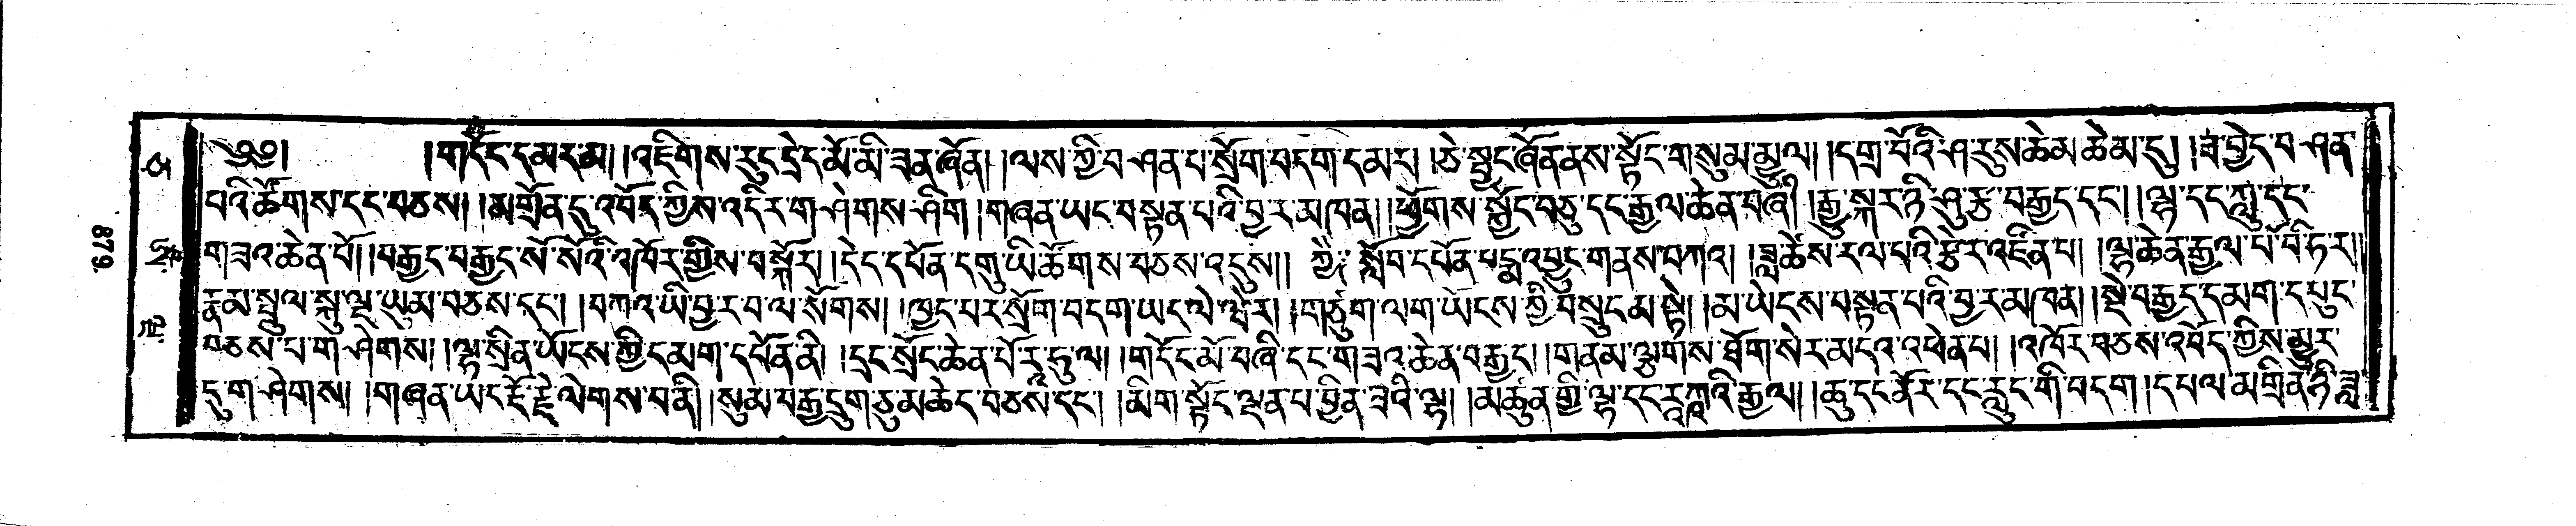༄༅། །གདོང་དམར་མ། །འཇིགས་རུང་དྲེད་མོ་མི་ཟན་ཞོན། །ལས་ཀྱི་བཤན་པ་སྲོག་བདག་དམར། །ཅེ་སྤྱང་ཞོན་ནས་སྟོང་གསུམ་མྱུལ། །དགྲ་བོའི་ཤ་རུས་ཆེམ་ཆེམ་དུ། །ཟ་བྱེད་བཤན་
པའི་ཚོགས་དང་བཅས། །མགྲོན་དུ་འབོད་ཀྱིས་འདིར་གཤེགས་ཤིག །གཞན་ཡང་བསྟན་པའི་བྱ་ར་མཁན། །ཕྱོགས་སྐྱོང་བཅུ་དང་རྒྱལ་ཆེན་བཞི། །རྒྱུ་སྐར་ཉི་ཤུ་རྩ་བརྒྱད་དང་། །ལྷ་དང་ཀླུ་དང་
གཟའ་ཆེན་པོ། །བརྒྱད་བརྒྱད་སོ་སོའི་འཁོར་གྱིས་བསྐོར། །དེད་དཔོན་དགུ་ཡི་ཚོགས་བཅས་འདུས།། ཀྱཻ༑ སློབ་དཔོན་པདམ་འབྱུང་གནས་བཀའ། །ཟླ་ཚེས་རལ་པའི་རྩེར་འཛིན་པ། །ལྷ་ཆེན་རྒྱལ་པོ་བི་ཧ་ར།།
རྣམ་སྤྲུལ་སྐུ་ལྔ་ཡུམ་བཅས་དང་། །བཀའ་ཡི་བྱ་ར་བ་ལ་སོགས། །ཁྱད་པར་སྲོག་བདག་ཡང་ལེ་ཝེར། །གཙུག་ལག་ཡོངས་ཀྱི་བསྲུང་མ་སྟེ། །མ་ཡེངས་བསྟན་པའི་བྱ་ར་མཁན། །སྡེ་བརྒྱད་དམག་དཔུང་
བཅས་པ་གཤེགས། །ལྷ་སྲིན་ཡོངས་ཀྱི་དམག་དཔོན་ནི། །དྲང་སྲོང་ཆེན་པོ་རཱ་ཧུ་ལ། །གདོང་མོ་བཞི་དང་གཟའ་ཆེན་བརྒྱད། །གནམ་ལྕགས་ཐོག་སེར་མདའ་འཕེན་པ། །འཁོར་བཅས་འབོད་ཀྱིས་མྱུར་
དུ་གཤེགས། །གཞན་ཡང་རྡོ་རྗེ་ལེགས་པ་ནི། །སུམ་བརྒྱ་དྲུག་ཅུ་མཆེད་བཅས་དང་། །མིག་སྟོང་ལྡན་པ་བྱིན་ཟའི་ལྷ། །མཚུན་གྱི་ལྷ་དང་རཱཀྵའི་རྒྱལ། །ཆུ་དང་ནོར་དང་རླུང་གི་བདག །དཔལ་མགྲིན་ཉི་ཟླ་